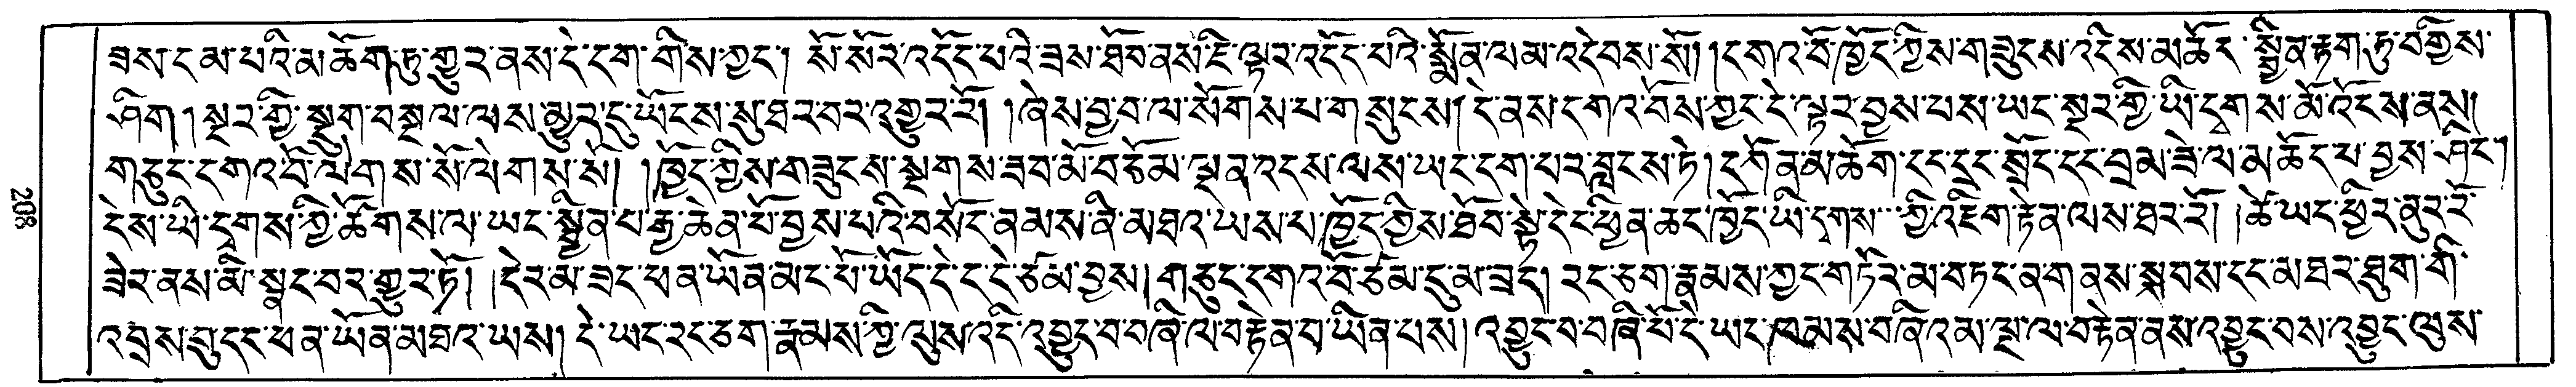ཟས་དམ་པའི་མཆོག་ཏུ་གྱུར་ནས་དེ་དག་གིས་ཀྱང་། སོ་སོར་འདོད་པའི་ཟས་ཐོབ་ནས་ཇི་ལྟར་འདོད་པའི་སྨོན་ལམ་འདེབས་སོ། །དགའ་བོ་ཁྱོད་ཀྱིས་གཟུངས་འདིས་མཆོད་སྦྱིན་རྟག་ཏུ་བགྱིས་
ཤིག །སྔར་གྱི་སྡུག་བསྔལ་ལས་མྱུར་དུ་ཡོངས་སུ་ཐར་བར་འགྱུར་རོ། །ཞེས་བྱ་བ་ལ་སོགས་པ་གསུངས། དེ་ནས་དགའ་བོས་ཀྱང་དེ་ལྟར་བྱས་པས་ཡང་སྔར་གྱི་ཡི་དྭགས་མོ་འོངས་ནས།
གཅུང་དགའ་བོ་ལེགས་སོ་ལེགས་སོ། །ཁྱོད་ཀྱིས་གཟུངས་སྔགས་ཟབ་མོ་བཅོམ་ལྡན་འདས་ལས་ཡང་དག་པར་བླངས་ཏེ། དཀོན་མཆོག་དང་དྲང་སྲོང་དང་བྲམ་ཟེ་ལ་མཆོད་པ་བྱས་ཤིང་།
དེས་ཡི་དྭགས་ཀྱི་ཚོགས་ལ་ཡང་སྦྱིན་པ་རྒྱ་ཆེན་པོ་བྱས་པའི་བསོད་ནམས་ནི་མཐའ་ཡས་པ་ཁྱོད་ཀྱིས་ཐོབ་སྟེ་དེང་ཕྱིན་ཆད་ཁྱོད་ཡི་དྭགས་ཀྱི་འཇིག་རྟེན་ལས་ཐར་རོ། །ཚེ་ཡང་ཕྱིར་ནུར་རོ་
ཟེར་ནས་མ་སྣང་བར་གྱུར་ཏོ། །དེར་མ་ཟད་ཕན་ཡོན་མང་པོ་ཡོད་དེ་ད་དེ་ཙམ་བྱས། གཅུང་དགའ་བོ་ཙམ་དུ་མ་ཟད། རང་ཅག་རྣམས་ཀྱང་གཏོར་མ་བཏང་ན་གནས་སྐབས་དང་མཐར་ཐུག་གི་
འབྲས་བུ་དང་ཕན་ཡོན་མཐའ་ཡས། དེ་ཡང་རང་ཅག་རྣམས་ཀྱི་ལུས་འདི་འབྱུང་བ་བཞི་ལ་བརྟེན་པ་ཡིན་པས། འབྱུང་བ་བཞི་པོ་དེ་ཡང་ཁམས་བཞི་འམ་ལྔ་ལ་བརྟེན་ནས་འབྱུང་བས་འབྱུང་ལུས་